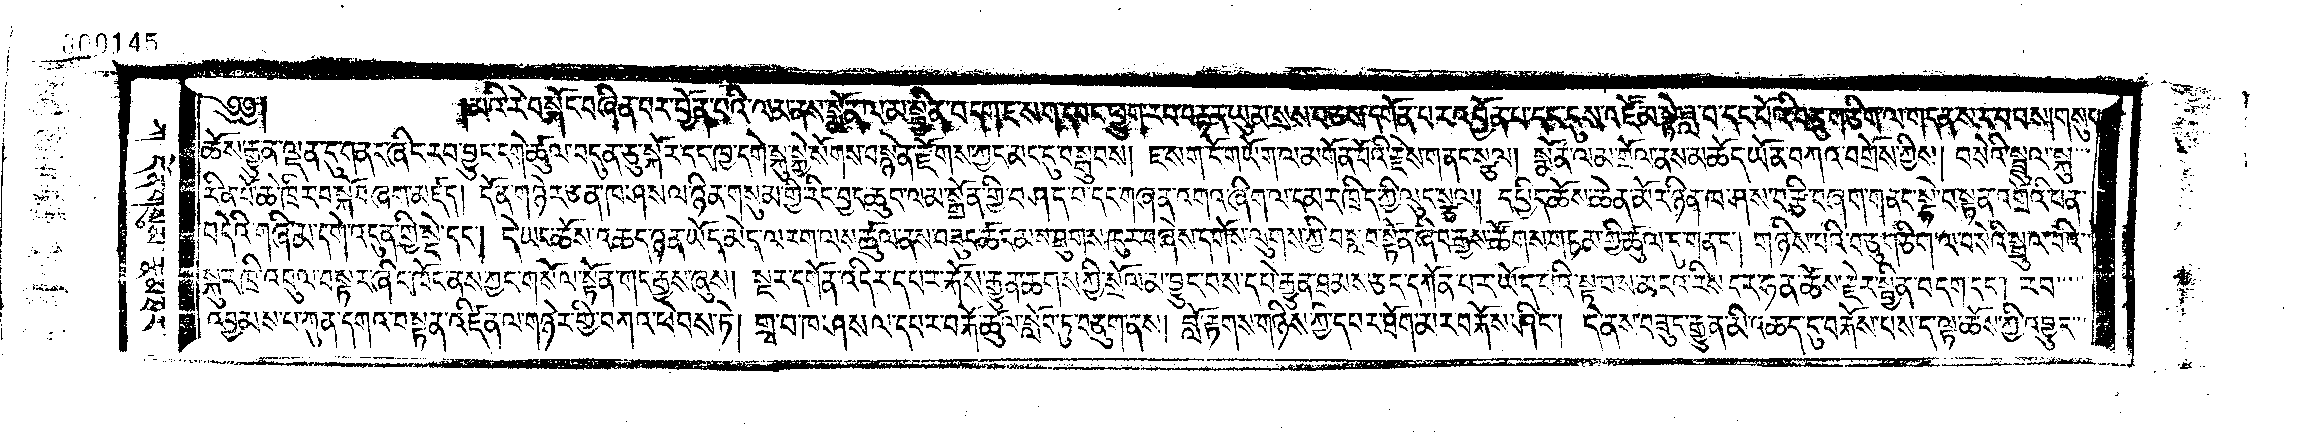༄༅། །མའི་རེ་བ་སྐོང་བཞིན་པར་བྱོན་པའི་ལམ་ནས་སྨོན་ལམ་སྦྱིན་བདག་ཇ་སག་དབང་ཕྱུག་རབ་བརྟན་ཡུམ་སྲས་བཅས་དགོན་པར་འབྱོན་པ་དང་དུས་འཛོམ་སྟེ་ཟླ་བ་དང་པོའི་བཅུ་གཅིག་ལ་གདན་སར་བབས། གསུང་
ཆོས་རྒྱུན་ལྡན་དུ་གནང་ཞིང་རབ་བྱུང་དགེ་ཚུལ་བདུན་ཅུ་སྐོར་དང་ཁྱ་དགེ་སྐུ་སྐྱེ་སོགས་བསྙེན་རྫོགས་ཀྱང་མང་དུ་བསྒྲུབས། ཇ་སག་ངོ་གཡོག་ལ་མགོན་པོའི་རྗེས་གནང་སྩལ། སྨོན་ལམ་གྲོལ་ནས་མཆོད་ཡོན་བཀའ་བགྲོས་ཀྱིས། བསེའི་སྤྲུལ་སྐུ་
རིན་པོ་ཆེ་ཁྲིར་བསྐོ་བཞག་མཛད། དོན་གཉེར་ཅན་ཁ་ཤས་ལ་ཉིན་གསུམ་གྱི་རིང་བྱང་ཆུབ་ལམ་སྒྲོན་གྱི་བཤད་པ་དང་གཞན་འགའ་ཞིག་ལ་དམར་ཁྲིད་ཀྱི་ལུང་སྩལ། དཔྱིད་ཆོས་ཆེན་མོར་ཉིན་ཁ་ཤས་བརྩི་བཞག་གནང་སྟེ་བསྟན་འགྲོའི་ཕན་
བདེའི་གཞི་མ་དགེ་འདུན་གྱི་སྡེ་དང་། དེ་ཡང་ཆོས་འཆད་ཉན་ཡོད་མེད་ལ་རག་ལས་ཚུལ་ནས་བཟུང་ཚང་མས་ཐུགས་ཁུར་བཞེས་དགོས་ལུགས་ཀྱི་བསླབ་སྟོན་ཞིབ་རྒྱས་ཚོགས་གཏམ་གྱི་ཚུལ་དུ་གནང་། གཉིས་པའི་བཅུ་གཅིག་ལ་བསེའི་སྤྲུལ་པའི་
སྐུར་ཁྲི་འབུལ་བསྟར་ཞིང་ཁོང་ནས་ཀྱང་གསོལ་སྟོན་གང་རྒྱས་ཞུས། སྔར་དགོན་འདིར་དཔར་རྐོས་རྒྱུན་ཆགས་ཀྱི་སྲོལ་མ་བྱུང་བས་དཔེ་རྒྱུན་ཐམས་ཅད་དཀོན་པར་ཡོད་པའི་སྟབས་མངའ་རིས་དར་ཧན་ཆོས་རྗེར་སྦྱིན་བདག་དང་། རབ་
འབྱམས་པ་ཀུན་དགའ་བསྟན་འཛིན་ལ་གཉེར་གྱི་བཀའ་ཕེབས་ཏེ། གྲྭ་བ་ཁ་ཤས་ལ་དཔར་བརྐོ་ཚུལ་སློབ་ཏུ་བཅུག་ནས། བློ་རྟགས་གཉིས་ཀྱི་དཔར་ཐོག་མར་བརྐོས་ཤིང་། དེ་ནས་བཟུང་རྒྱུན་མི་འཆད་དུ་བརྐོས་པས་ད་ལྟ་ཆོས་ཀྱི་འབྱུང་